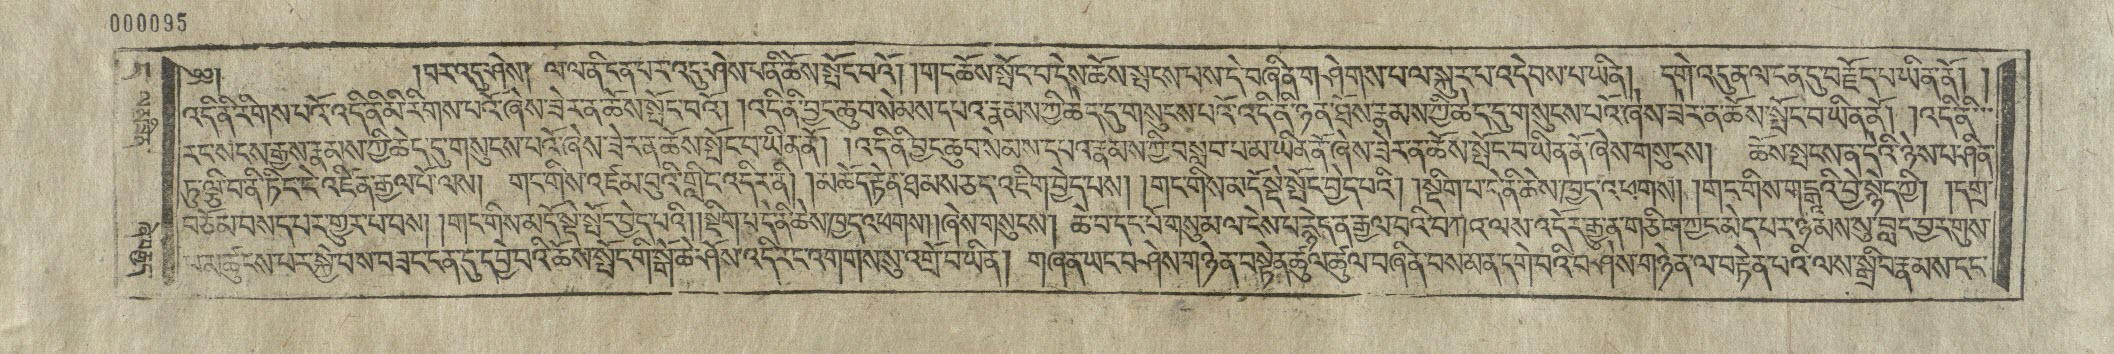༄༅། །བར་འདུ་ཤེས། ལ་ལ་ནི་ངན་པར་འདུ་ཤེས་པ་ནི་ཆོས་སྤོང་བའོ། །གང་ཆོས་སྤོང་བ་དེས་ཆོས་སྤངས་པས་དེ་བཞིན་གཤེགས་པ་ལ་སྐུར་པ་འདེབས་པ་ཡིན། དགེ་འདུན་ལ་ངན་དུ་བརྗོད་པ་ཡིན་ནོ། །
འདི་ནི་རིགས་པའོ་འདི་ནི་མི་རིགས་པའོ་ཞེས་ཟེར་ན་ཆོས་སྤོང་བའོ། །འདི་ནི་བྱང་ཆུབ་སེམས་དཔའ་རྣམས་ཀྱི་ཆེད་དུ་གསུངས་པའོ་འདི་ནི་ཉན་ཐོས་རྣམས་ཀྱི་ཆེད་དུ་གསུངས་པའོ་ཞེས་ཟེར་ན་ཆོས་སྤོང་བ་ཡིན་ནོ། །འདི་ནི་
རང་སངས་རྒྱས་རྣམས་ཀྱི་ཆེད་དུ་གསུངས་པའོ་ཞེས་ཟེར་ན་ཆོས་སྤོང་བ་ཡིན་ནོ། །འདི་ནི་བྱང་ཆུབ་སེམས་དཔའ་རྣམས་ཀྱི་བསླབ་པ་མ་ཡིན་ནོ་ཞེས་ཟེར་ན་ཆོས་སྤོང་བ་ཡིན་ནོ་ཞེས་གསུངས། ཆོས་སྤངས་ན་དེའི་ཉེས་པ་ཤིན་
ཏུ་ལྕི་བ་ནི་ཏིང་ངེ་འཛིན་རྒྱལ་པོ་ལས། གང་གིས་འཛམ་བུའི་གླིང་འདིར་ནི། །མཆོད་རྟེན་ཐམས་ཅད་འཇིག་བྱེད་པས། །གང་གིས་མདོ་སྡེ་སྤོང་བྱེད་པའི། །སྡིག་པ་དེ་ནི་ཆེས་ཁྱད་འཕགས། །གང་གིས་གངྒཱའི་?་བྱེ་སྣེད་ཀྱི། །དགྲ་
བཅོམ་བསད་པར་གྱུར་པ་བས། །གང་གིས་མདོ་སྡེ་སྤོང་བྱེད་པའི། །སྡིག་པ་དེ་ནི་ཆེས་ཁྱད་འཕགས། །ཞེས་གསུངས། ཆེ་བ་དང་པོ་གསུམ་ལ་ངེས་པ་རྙེད་ན་རྒྱལ་བའི་བཀའ་ལས་འདོར་རྒྱུ་ན་གཅིག་ཀྱང་མེད་པར་ཉམས་སུ་བླང་བྱར་གུས་
པ་མཚུངས་པར་སྐྱེ་བས་བཟང་ངན་དུ་དབྱེ་བའི་ཆོས་སྤོང་གི་སྒོ་ཆེ་ཤོས་འདི་རང་འགགས་སུ་འགྲོ་བ་ཡིན། གཞན་ཡང་བཤེས་གཉེན་བསྟེན་ཚུལ་ཚུལ་བཞིན་བསམ་ན་དགེ་བའི་བཤེས་གཉེན་ལ་བརྟེན་པའི་ལས་སྒྲིབ་རྣམས་དང་